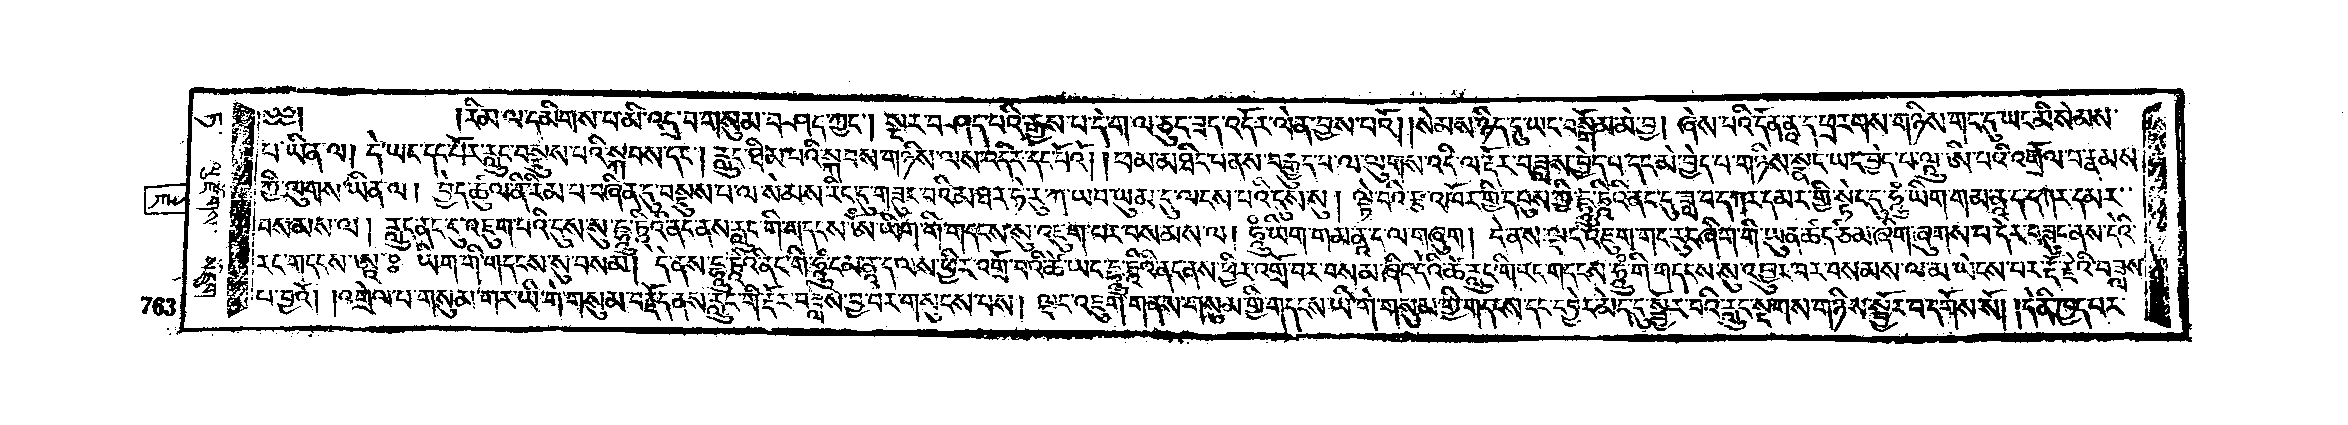༄༅། །རིམ་ལ་དམིགས་པ་མི་འདྲ་བ་གསུམ་བཤད་ཀྱང་། སྔར་བཤད་པའི་རྒྱས་པ་དེ་ག་ལ་ཅུང་ཟད་འདོར་ལེན་བྱས་པའོ། །སེམས་ཉིད་དུ་ཡང་བསྒོམ་མི་བྱ། ཞེས་པའི་དོན་ནཱ་ད་ཕྲ་རགས་གཉིས་གང་དུ་ཡང་མི་སེམས་
པ་ཡིན་ལ། དེ་ཡང་དང་པོར་རླུང་བསྡུས་པའི་སྐབས་དང་། རླུང་ཐིམ་པའི་སྐབས་གཉིས་ལས་འདིར་དང་པོའོ། །ཕམ་མཐིང་པ་ནས་བརྒྱུད་པ་ལ་ལུགས་འདི་ལ་རྡོར་བཟླས་བྱེད་པ་དང་མི་བྱེད་པ་གཉིས་སྣང་ཡང་བྱེད་པ་ལཱུ་ཨི་པའི་འགྲེལ་པ་རྣམས་
ཀྱི་ལུགས་ཡིན་ལ། བྱེད་ཚུལ་ནི་རིམ་པ་བཞིན་དུ་བསྡུས་པ་ལ་སེམས་རིང་དུ་གཟུང་བའི་མཐར་ཧེ་རུ་ཀ་ཡབ་ཡུམ་དུ་ལངས་པའི་དུས་སུ། ལྟེ་བའི་རྩ་འཁོར་གྱི་དབུས་ཀྱི་དྷཱུ་ཏཱིའི་ནང་དུ་ཟླ་བ་དཀར་དམར་གྱི་སྟེང་དུ་ཧཱུཾ་ཡིག་གམ་ནཱ་ད་དཀར་དམར་
བསམས་ལ། རླུང་ནང་དུ་འཇུག་ཕའི་དུས་སུ་དྷཱུ་ཏཱིའི་ནང་ནས་རླུང་གི་གདངས་ཨོཾ་ཡིག་གི་གདངས་སུ་འཇུག་པར་བསམས་ལ། ཧཱུཾ་ཡིག་གམ་ནཱ་ད་ལ་གཞུག །དེ་ནས་ལྡང་འཇུག་གང་རུང་ཞིག་གི་ཡུན་ཚད་ཙམ་ཞིག་ཞུགས་པ་དེར་བཟུང་ནས་དེའི་
རང་གདངས་ཨཱཿ ཡིག་གི་གདངས་སུ་བསམ། དེ་ནས་དྷཱུ་ཏཱིའི་ནང་གི་ཧཱུཾ་ངམ་ནཱ་ད་ལས་ཕྱིར་འགྲོ་བའི་ཚེ་ཡང་དྷཱུ་ཏཱིའི་ནང་ནས་ཕྱིར་འགྲོ་བར་བསམ་ཞིང་དེའི་ཚེ་རླུང་གི་རང་གདངས་ཧཱུཾ་གི་གདངས་སུ་འབྱུང་བར་བསམས་ལ་མ་ཡེངས་པར་རྡོ་རྗེའི་བཟླས་
པ་བྱའོ། །འགྲེལ་པ་གསུམ་གར་ཡི་གེ་གསུམ་བརྗོད་ནས་རླུང་གི་རྡོར་བཟླས་བྱ་བར་གསུངས་པས། ལྡང་འཇུག་གནས་གསུམ་གྱི་གདངས་ཡི་གེ་གསུམ་གྱི་གདངས་དང་དབྱེར་མེད་དུ་སྦྱོར་བའི་རླུང་སྔགས་གཉིས་སྦྱོར་བ་དགོས་སོ། །དེ་ནི་ཁྱད་པར་